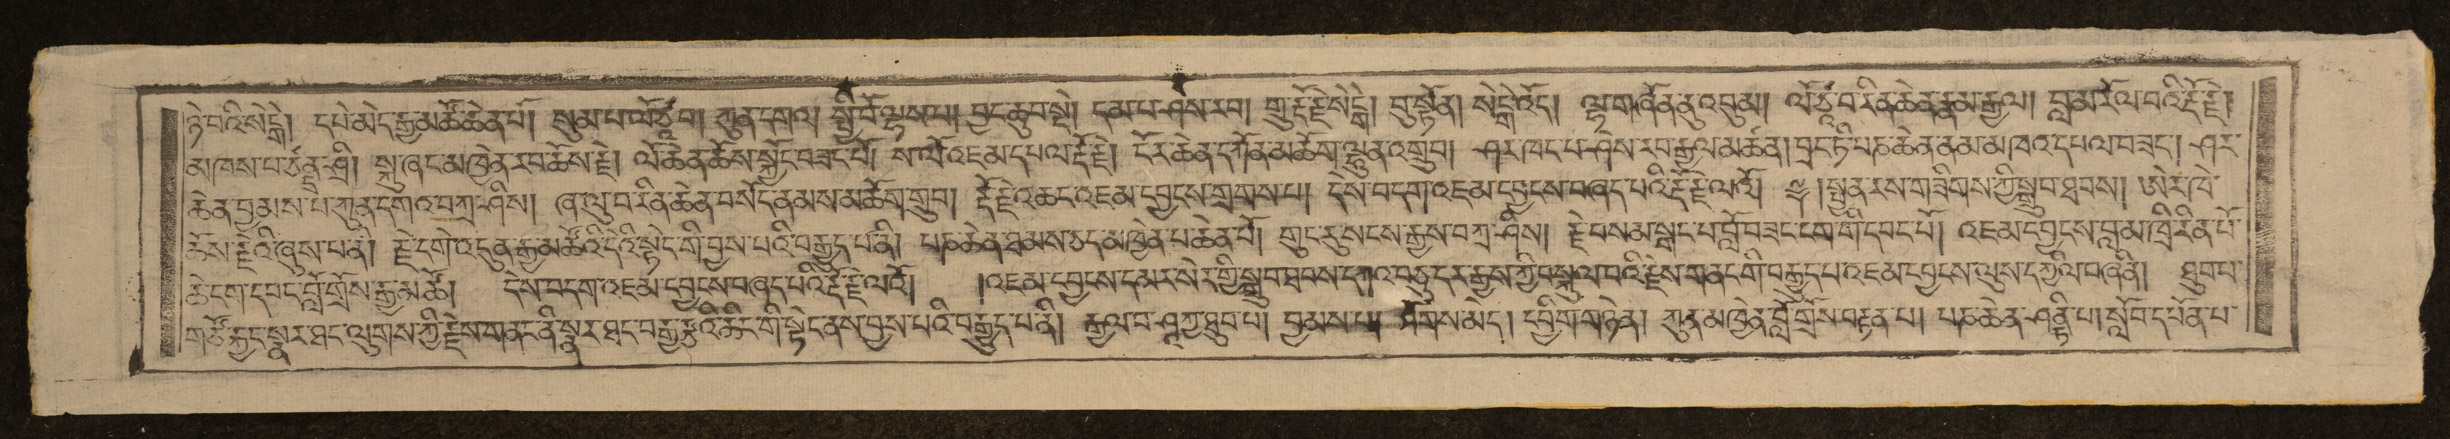ཉེ་བའི་སེངྒེ། དཔེ་མེད་རྒྱ་མཚོ་ཆེན་པོ། སུམ་པ་ལོ་ཙཱ་བ། ཀུན་དགའ། སྤྱི་བོ་ལྷས་པ། བྱང་ཆུབ་སྡེ། དམ་པ་ཤེས་རབ། གྲུ་རྡོ་རྗེ་སེངྒེ། བུ་སྟོན། སེངྒེ་འོད། ལྷ་གཞོན་ནུ་འབུམ། ལོ་ཙཱ་བ་རིན་ཆེན་རྣམ་རྒྱལ། བླ་མ་རོལ་བའི་རྡོ་རྗེ།
མཁས་བ་ཙནྡྲ་ཤྲི། སྐུ་ཞང་མཁྱེན་རབ་ཆོས་རྗེ། ལོ་ཆེན་ཆོས་སྐྱོང་བཟང་པོ། ས་ལོ་འཇམ་དཔལ་རྡོ་རྗེ། ངོར་ཆེན་དཀོན་མཆོག་ལྷུན་འགྲུབ། ཤར་ཁང་པ་ཤེས་རབ་རྒྱལ་མཚན། བྲང་ཏི་པཎ་ཆེན་ནམ་མཁའ་དཔལ་བཟང་། ཤར་
ཆེན་བྱམས་པ་ཀུན་དགའ་བཀྲ་ཤིས། ཞ་ལུ་བ་རིན་ཆེན་བསོད་ནམས་མཆོག་གྲུབ། རྡོ་རྗེ་འཆང་འཇམ་དབྱངས་གྲགས་པ། དེས་བདག་འཇམ་དབྱངས་བཞད་པའི་རྡོ་རྗེ་ལའོ། ༈ །སྤྱན་རས་གཟིགས་ཀྱི་སྒྲུབ་ཐབས། ཨེར་ཁེ་
ཆོས་རྗེའི་ཞུས་པ་ནི། རྗེ་དགེ་འདུན་རྒྱ་མཚོའི་དེའི་སྟེང་གི་བྱས་པའི་བརྒྱུད་པ་ནི། པཎ་ཆེན་ཐམས་ཅད་མཁྱེན་པ་ཆེན་པོ། གུང་རུ་སངས་རྒྱས་བཀྲ་ཤིས། རྗེ་བསམ་སྒང་པ་བློ་བཟང་ངག་གི་དབང་པོ། འཇམ་དབྱངས་བླ་མ་ཁྲི་རིན་པོ་
ཆེ་ངག་དབང་བློ་གྲོས་རྒྱ་མཚོ། དེས་བདག་འཇམ་དབྱངས་བཞད་པའི་རྡོ་རྗེ་ལའོ། །འཇམ་དབྱངས་དམར་སེར་གྱི་སྒྲུབ་ཐབས་དཀའ་བཅུ་དར་རྒྱས་ཀྱི་བསྐུལ་བའི་རྗེས་གནང་གི་བརྒྱུད་པ་འཇམ་དབྱངས་ལུས་དཀྱིལ་བཞིན། ཐུབ་བ་
གཙོ་རྐྱང་སྣར་ཐང་ལུགས་ཀྱི་རྗེས་གནང་ནི་སྣར་ཐར་བརྒྱ་རྩའི་ཆིང་གི་སྟེང་ནས་བྱས་པའི་བརྒྱུད་པ་ནི། རྒྱལ་བ་ཤཱཀྱ་ཐུབ་པ། བྱམས་པ། ཐོགས་མེད། དབྱིག་གཉེན། ཀུན་མཁྱེན་བློ་གྲོས་བརྟན་པ། པཎ་ཆེན་ཤནྟི་བ། སློབ་དཔོན་པ་